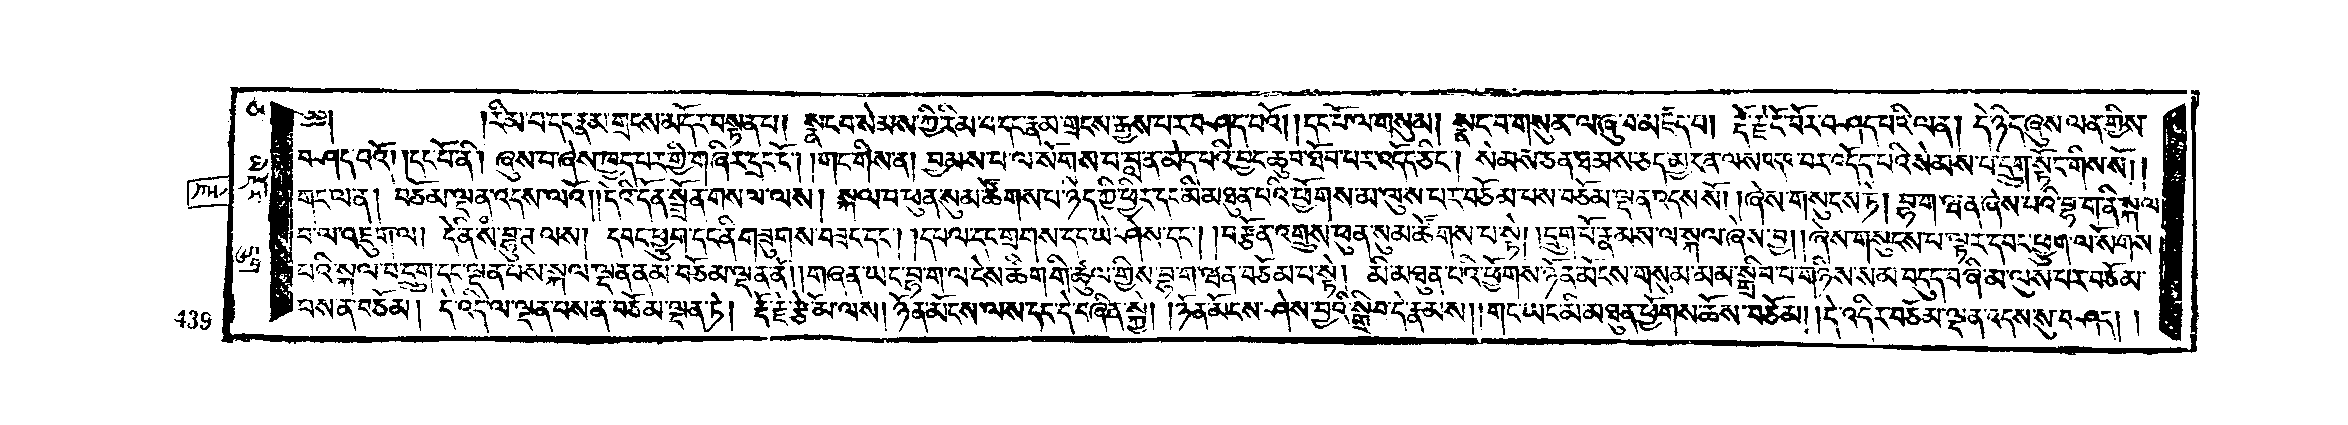༄༅། །རིམ་པ་དང་རྣམ་གྲངས་མདོར་བསྟན་པ། སྣང་བ་སེམས་ཀྱི་རིམ་པ་དང་རྣམ་གྲངས་རྒྱས་པར་བཤད་པའོ། །དང་པོ་ལ་གསུམ། སྣང་བ་གསུམ་ལ་ཞུ་བ་མཛད་པ། རྡོ་རྗེ་ངོ་བོར་བཤད་པའི་ལན། དེ་ཉིད་ཞུས་ལན་གྱིས་
བཤད་པའོ། །དང་པོ་ནི། ཞུས་པ་ཞེས་ཁྱད་པར་གྱི་གཞིར་དྲང་ངོ། །གང་གིས་ན། བྱམས་པ་ལ་སོགས་པ་བླ་ན་མེད་པའི་བྱང་ཆུབ་ཐོབ་པར་འདོད་ཅིང་། སེམས་ཅན་ཐམས་ཅད་མྱ་ངན་ལས་འདའ་བར་འདོད་པའི་སེམས་པ་དྲུག་སྟོང་གིས་སོ། །
གང་ལ་ན། བཅོམ་ལྡན་འདས་ལའོ། །དེའི་དོན་སྒྲོན་གསལ་ལས། སྐལ་བ་ཕུན་སུམ་ཚོགས་པ་ཉིད་ཀྱི་ཕྱིར་དང་མི་མཐུན་པའི་ཕྱོགས་མ་ལུས་པར་བཅོམ་པས་བཅོམ་ལྡན་འདས་སོ། །ཞེས་གསུངས་ཏེ། བྷ་ག་ཝ་ན་ཞེས་པའི་བྷ་ག་ནི་སྐལ་
བ་ལ་འཇུག་ལ། དེ་ནི་སཾ་བྷུ་ཊ་ལས། དབང་ཕྱུག་དང་ནི་གཟུགས་བཟང་དང་། །དཔལ་དང་གྲགས་དང་ཡེ་ཤེས་དང་། །བརྩོན་འགྲུས་ཕུན་སུམ་ཚོགས་པ་སྟེ། །དྲུག་པོ་རྣམས་ལ་སྐལ་ཞེས་བྱ། །ཞེས་གསུངས་པ་ལྟར་དབང་ཕྱུག་ལ་སོགས་
པའི་སྐལ་བ་དྲུག་དང་ལྡན་པས་སྐལ་ལྡན་ནམ་བཅོམ་ལྡན་ནོ། །གཞན་ཡང་བྷ་ག་ལ་ངེས་ཚིག་གི་ཚུལ་གྱིས་བྷ་ག་ཝ་ན་བཅོམ་པ་སྟེ། མི་མཐུན་པའི་ཕྱོགས་ཉོན་མོངས་གསུམ་མམ་སྒྲིབ་པ་གཉིས་སམ་བདུད་བཞི་མ་ལུས་པར་བཅོམ་
པས་ན་བཅོམ། དེ་འདི་ལ་ལྡན་པས་ན་བཅོམ་ལྡན་ཏེ། རྡོ་རྗེ་རྩེ་མོ་ལས། ཉོན་མོངས་ལས་དང་དེ་བཞིན་སྐྱེ། །ཉོན་མོངས་ཤེས་བྱའི་སྒྲིབ་དེ་རྣམས། །གང་ཡང་མི་མཐུན་ཕྱོགས་ཆོས་བཅོམ། །དེ་འདིར་བཅོམ་ལྡན་འདས་སུ་བཤད། །